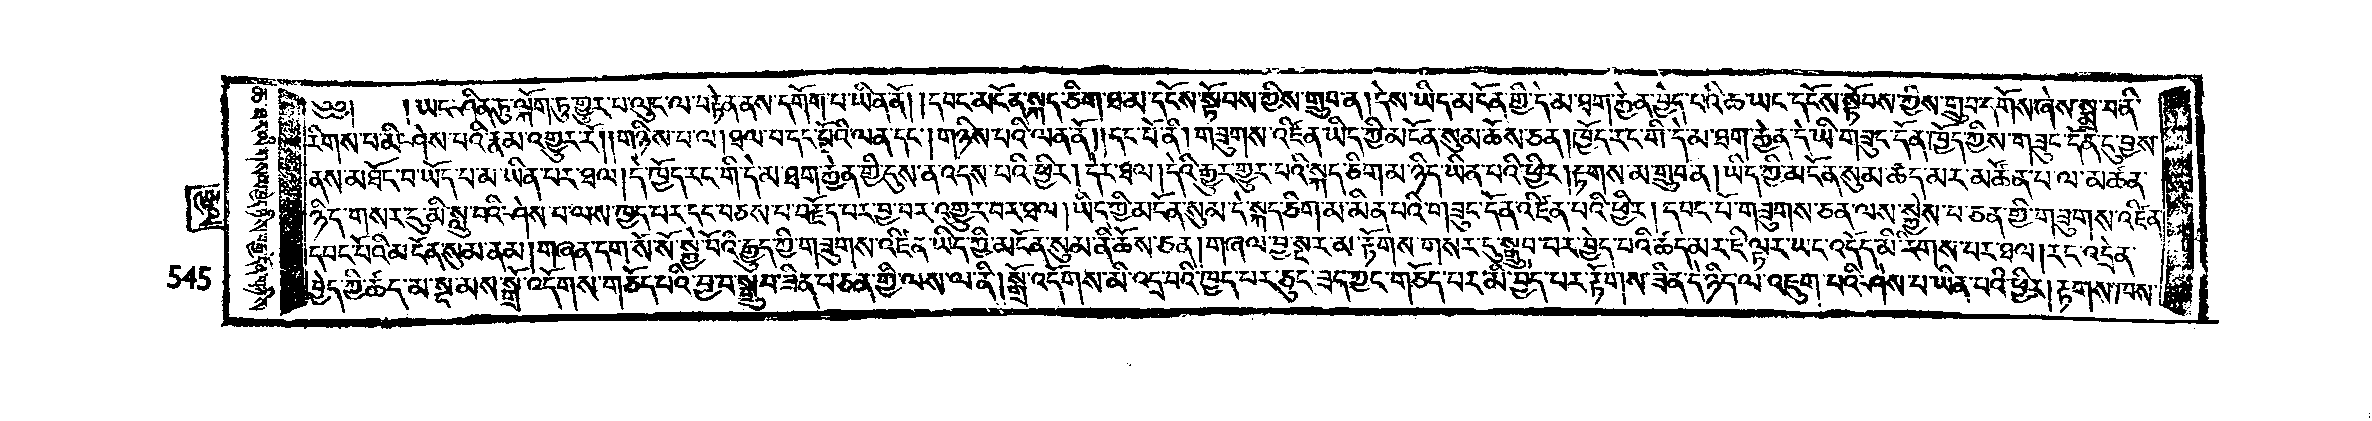༄༅། །ཡང་ཤིན་ཏུ་ལྐོག་ཏུ་གྱུར་པ་ལུང་ལ་བརྟེན་ནས་དགོག་པ་ཡིན་ནོ། །དབང་མངོན་སྐད་ཅིག་ཐ་མ་དངོས་སྟོབས་ཀྱིས་གྲུབ་ན། དེས་ཡིད་མངོན་གྱི་དེ་མ་ཐག་རྐྱེན་བྱེད་པའི་ཆ་ཡང་དངོས་སྟོབས་ཀྱིས་གྲུབ་དགོས་ཞེས་སྨྲ་བ་ནི་
རིགས་པ་མི་ཤེས་པའི་རྣམ་འགྱུར་རོ། །གཉིས་པ་ལ། ཐལ་བ་དང་པོའི་ལན་དང་། གཉིས་པའི་ལན་ནོ། །དང་པོ་ནི། གཟུགས་འཛིན་ཡིད་ཀྱི་མངོན་སུམ་ཆོས་ཅན། ཁྱོད་རང་གི་དེ་མ་ཐག་རྐྱེན་དེ་ཡི་གཟུང་དོན་ཁྱོད་ཀྱིས་གཟུང་དོན་དུ་བྱས་
ནས་མཐོང་བ་ཡོད་པ་མ་ཡིན་པར་ཐལ། དེ་ཁྱོད་རང་གི་དེ་མ་ཐག་རྐྱེན་གྱི་དུས་ན་འདས་པའི་ཕྱིར། དེར་ཐལ། དེའི་རྒྱུར་གྱུར་པའི་སྐད་ཅིག་མ་ཉིད་ཡིན་པའི་ཕྱིར། རྟགས་མ་གྲུབ་ན། ཡིད་ཀྱི་མངོན་སུམ་ཚད་མར་མཚོན་པ་ལ་མཚན་
ཉིད་གསར་དུ་མི་སླུ་བའི་ཤེས་པ་ལས་ཁྱད་པར་དང་བཅས་པ་བརྗོད་པར་བྱ་བར་འགྱུར་བར་ཐལ། ཡིད་ཀྱི་མངོན་སུམ་དེ་སྐད་ཅིག་མ་མིན་པའི་གཟུང་དོན་འཛིན་པའི་ཕྱིར། དབང་པོ་གཟུགས་ཅན་ལས་སྐྱས་པ་ཅན་གྱི་གཟུགས་འཛིན་
དབང་པོའི་མངོན་སུམ་ནམ། གཞན་དག་སོ་སོ་སྐྱེ་པོའི་རྒྱུད་ཀྱི་གཟུགས་འཛིན་ཡིད་ཀྱི་མངོན་སུམ་ནི་ཆོས་ཅན། གཞལ་བྱ་སྔར་མ་རྟོགས་གསར་དུ་སྒྲུབ་པར་བྱེད་པའི་ཚད་མར་ཇི་ལྟར་ཡང་འདོད་མི་རིགས་པར་ཐལ། རང་འདྲེན་
བྱེད་ཀྱི་ཚད་མ་སྔ་མས་སྒྲོ་འདོགས་གཅོད་པའི་བྱ་བ་སྒྲུབ་ཟིན་པ་ཅན་གྱི་ལས་ལ་ནི། སྒྲོ་འདོགས་མི་འདྲ་བའི་ཁྱད་པར་ཅུང་ཟད་ཀྱང་གཅོད་པར་མི་བྱེད་པར་རྟོགས་ཟིན་དེ་ཉིད་ལ་འཇུག་པའི་ཤེས་པ་ཡིན་པའི་ཕྱིར། རྟགས་ཁས་